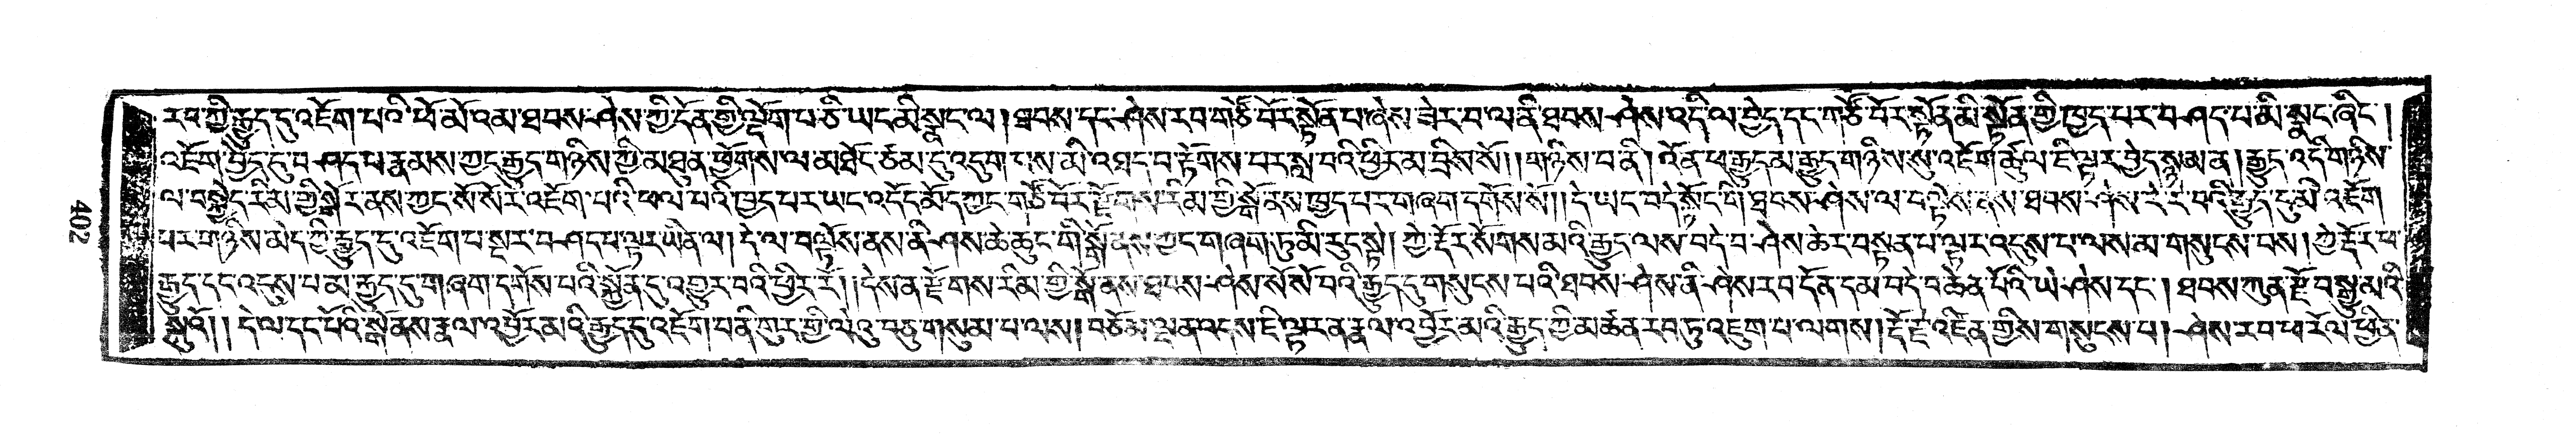རབ་ཀྱི་རྒྱུད་དུ་འཇོག་པའི་ཕོ་མོ་འམ་ཐབས་ཤེས་ཀྱི་དོན་གྱི་ལྡོག་པ་ཅི་ཡང་མི་སྣང་ལ། ཐབས་དང་ཤེས་རབ་གཙོ་བོར་སྟོན་པ་ཞེས་ཟེར་བ་ལ་ནི་ཐབས་ཤེས་འདི་ལ་བྱེད་དང་གཙོ་བོར་སྟོན་མི་སྟོན་གྱི་ཁྱད་པར་བཤད་པ་མི་སྣང་ཞིང་།
འཇོག་བྱེད་དུ་བཤད་པ་རྣམས་ཀྱང་རྒྱུད་གཉིས་ཀྱི་མཐུན་ཕྱོགས་ལ་མཐོང་ཙམ་དུ་འདུག་པས་མི་འཐད་པ་རྟོགས་པར་སླ་བའི་ཕྱིར་མ་བྲིས་སོ། །གཉིས་པ་ནི། འོ་ན་ཕ་རྒྱུད་མ་རྒྱུད་གཉིས་སུ་འཇོག་ཚུལ་ཇི་ལྟར་བྱེད་སྙམ་ན། རྒྱུད་འདི་གཉིས་
ལ་བསྐྱེད་རིམ་གྱི་སྐོར་ནས་ཀྱང་སོ་སོར་འཇོག་པའི་ཕལ་པའི་ཁྱད་པར་ཡང་འདོད་མེད་ཀྱང་གཙོ་བོར་རྫོགས་རིམ་གྱི་སྒོ་ནས་ཁྱད་པར་གཞག་དགོས་སོ། །དེ་ཡང་བདེ་སྟོང་གི་ཐབས་ཤེས་ལ་བལྟོས་ནས་ཐབས་ཤེས་རེ་རེ་བའི་རྒྱུད་དུ་མི་འཇོག་
པར་གཉིས་མེད་ཀྱི་རྒྱུད་དུ་འཇོག་པ་སྔར་བཤད་པ་ལྟར་ཡིན་ལ། དེ་ལ་བལྟོས་ནས་ནི་ཤས་ཆེ་ཆུང་གི་སྒོ་ནས་ཀྱང་གཞག་ཏུ་མི་རུང་སྟེ། ཀྱེ་རྡོར་སོགས་མའི་རྒྱུད་ལས་བདེ་བ་ཤས་ཆེར་བསྟན་པ་ལྟར་འདུས་པ་ལས་མ་གསུངས་པས། ཀྱེ་རྡོར་ཕ་
རྒྱུད་དང་འདུས་པ་མ་རྒྱུད་དུ་གཞག་དགོས་པའི་སྐྱོན་དུ་འགྱུར་བའི་ཕྱིར་རོ། །དེས་ན་རྫོགས་རིམ་གྱི་སྒོ་ནས་ཐབས་ཤེས་སོ་སོ་བའི་རྒྱུད་དུ་གསུངས་པའི་ཐབས་ཤེས་ནི་ཤེས་རབ་དོན་དམ་བདེ་བ་ཆེན་པོའི་ཡེ་ཤེས་དང་། ཐབས་ཀུན་རྫོབ་སྒྱུ་མའི་
སྐུའོ། །དེ་ལ་དང་པོའི་སྒོ་ནས་རྣལ་འབྱོར་མའི་རྒྱད་དུ་འཇོག་པ་ནི་གུར་གྱི་ལེའུ་བཅུ་གསུམ་པ་ལས། བཅོམ་ལྡན་འདས་ཇི་ལྟར་ན་རྣལ་འབྱོར་མའི་རྒྱུད་ཀྱི་མཚན་རབ་ཏུ་འཇུག་པ་ལགས། རྡོ་རྗེ་འཛིན་གྱིས་གསུངས་པ། ཤེས་རབ་ཕ་རོལ་ཕྱིན་